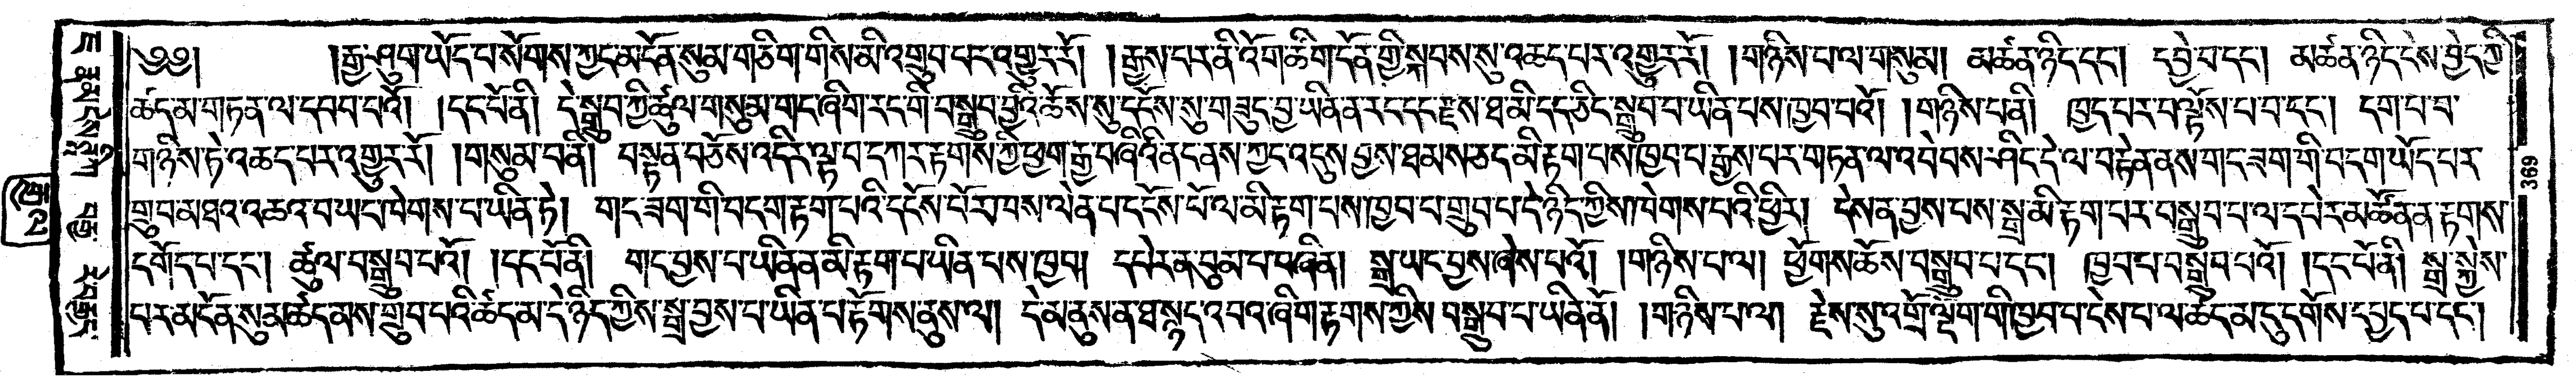༄༅། །རྒྱ་ཤུག་ཡོད་པ་སོགས་ཀྱང་མངོན་སུམ་གཅིག་གིས་མི་འགྲུབ་པར་འགྱུར་རོ། །རྒྱས་པར་ནི་འོག་ཚིག་དོན་གྱི་སྐབས་སུ་འཆད་པར་འགྱུར་རོ། །གཉིས་པ་ལ་གསུམ། མཚན་ཉིད་དང་། དབྱེ་བ་དང་། མཚན་ཉིད་ངེས་བྱེད་ཀྱི་
ཚད་མ་གཏན་ལ་དབབ་པའོ། །དང་པོ་ནི། དེ་སྒྲུབ་ཀྱི་ཚུལ་གསུམ་གང་ཞིག་རང་གི་བསྒྲུབ་བྱའི་ཆོས་སུ་དངོས་སུ་གཟུང་བྱ་ཡིན་ན་རང་དང་རྫས་ཐ་མི་དད་ཅིང་སྒྲུབ་པ་ཡིན་པས་ཁྱབ་པའོ། །གཉིས་པ་ནི། ཁྱད་པར་བལྟོས་པ་བ་དང་། དག་པ་བ་
གཉིས་ཏེ་འཆད་པར་འགྱུར་རོ། །གསུམ་པ་ནི། བསྟན་བཅོས་འདིར་ལྟ་བ་དཀར་རྟགས་ཀྱི་ཕྱག་རྒྱ་བཞིའི་ནང་ནས་ཀྱང་འདུས་བྱས་ཐམས་ཅད་མི་རྟག་པས་ཁྱབ་པ་རྒྱས་པར་གཏན་ལ་འབེབས་ཤིང་དེ་ལ་བརྟེན་ནས་གང་ཟག་གི་བདག་ཡོད་པར་
གྲུབ་མཐའ་འཆའ་བ་ཡང་ཁེགས་པ་ཡིན་ཏེ། གང་ཟག་གི་བདག་རྟག་པའི་དངོས་པོར་ཁས་ལེན་པ་དངོས་པོ་ལ་མི་རྟག་པས་ཁྱབ་པ་གྲུབ་པ་དེ་ཉིད་ཀྱིས་ཁེགས་པའི་ཕྱིར། དེས་ན་བྱས་པས་སྒྲ་མི་རྟག་པར་བསྒྲུབ་པ་ལ་དཔེར་མཚོན་ན་རྟགས་
དགོད་པ་དང་། ཚུལ་བསྒྲུབ་པའོ། །དང་པོ་ནི། གང་བྱས་པ་ཡིན་ན་མི་རྟག་པ་ཡིན་པས་ཁྱབ། དཔེར་ན་བུམ་པ་བཞིན། སྒྲ་ཡང་བྱས་ཞེས་པའོ། །གཉིས་པ་ལ། ཕྱོགས་ཆོས་བསྒྲུབ་པ་དང་། ཁྱབ་པ་བསྒྲུབ་པའོ། །དང་པོ་ནི། སྒྲ་སྐྱེས་
པར་མངོན་སུམ་ཚད་མས་གྲུབ་པའི་ཚད་མ་དེ་ཉིད་ཀྱིས་སྒྲ་བྱས་པ་ཡིན་པ་རྟོགས་ནུས་ལ། དེ་མ་ནུས་ན་ཐ་སྙད་འབའ་ཞིག་རྟགས་ཀྱིས་བསྒྲུབ་པ་ཡིན་ནོ། །གཉིས་པ་ལ། རྗེས་སུ་འགྲོ་ལྡོག་གི་ཁྱབ་པ་ངེས་པ་ལ་ཚད་མ་དུ་དགོས་དཔྱད་པ་དང་།